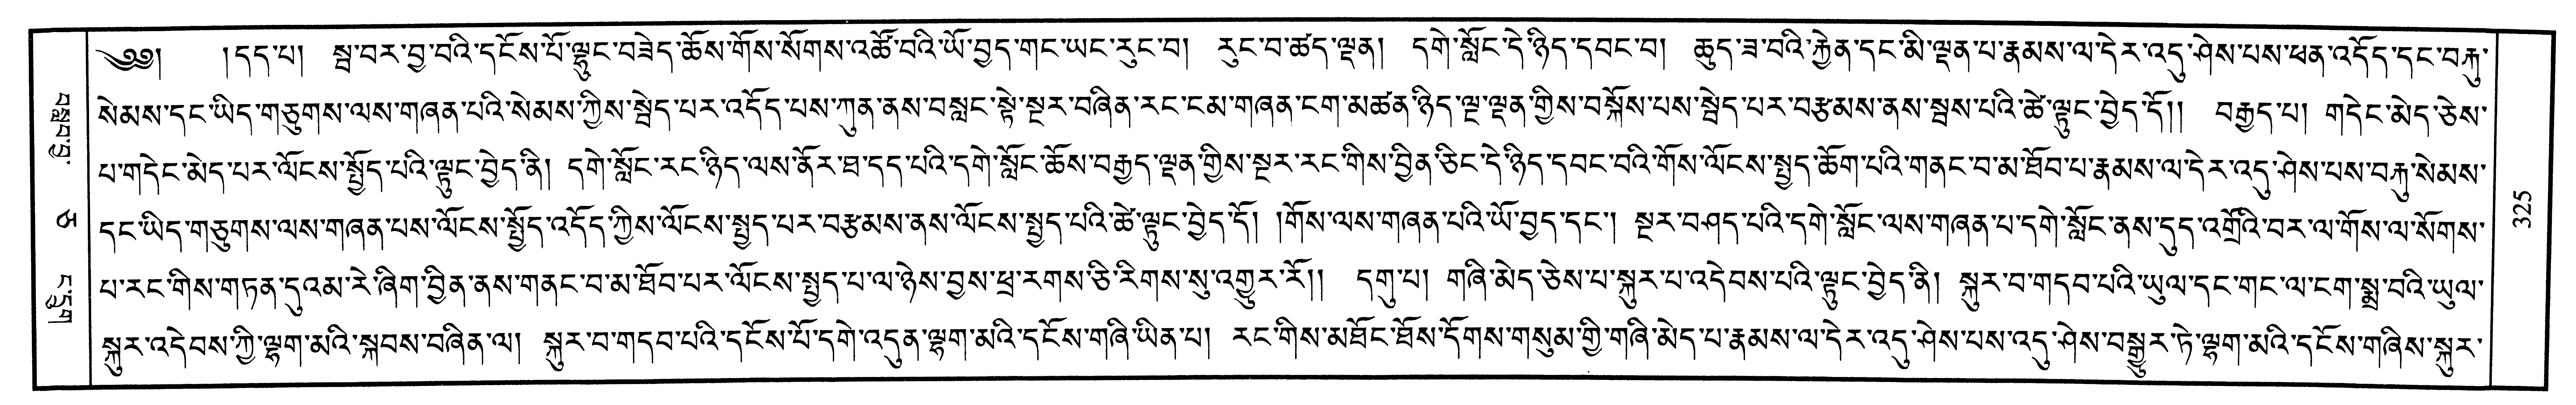༄༅། །དད་པ། སྦ་བར་བྱ་བའི་དངོས་པོ་ལྷུང་བཟེད་ཆོས་གོས་སོགས་འཚོ་བའི་ཡོ་བྱད་གང་ཡང་རུང་བ། རུང་བ་ཚད་ལྡན། དགེ་སློང་དེ་ཉིད་དབང་བ། ཆུད་ཟ་བའི་རྐྱེན་དང་མི་ལྡན་པ་རྣམས་ལ་དེར་འདུ་ཤེས་པས་ཕན་འདོད་དང་བརྐུ་
སེམས་དང་ཡིད་གཅུགས་ལས་གཞན་པའི་སེམས་ཀྱིས་སྦེད་པར་འདོད་པས་ཀུན་ནས་བསླང་སྟེ་སྔར་བཞིན་རང་ངམ་གཞན་ངག་མཚན་ཉིད་ལྔ་ལྡན་གྱིས་བསྐོས་པས་སྦེད་པར་བརྩམས་ནས་སྦས་པའི་ཚེ་ལྟུང་བྱེད་དོ།། བརྒྱད་པ། གདེང་མེད་ཅེས་
པ་གདེང་མེད་པར་ལོངས་སྤྱོད་པའི་ལྟུང་བྱེད་ནི། དགེ་སློང་རང་ཉིད་ལས་ནོར་ཐ་དད་པའི་དགེ་སློང་ཆོས་བརྒྱད་ལྡན་གྱིས་སྔར་རང་གིས་བྱིན་ཅིང་དེ་ཉིད་དབང་བའི་གོས་ལོངས་སྤྱད་ཆོག་པའི་གནང་བ་མ་ཐོབ་པ་རྣམས་ལ་དེར་འདུ་ཤེས་པས་བརྐུ་སེམས་
དང་ཡིད་གཅུགས་ལས་གཞན་པས་ལོངས་སྤྱོད་འདོད་ཀྱིས་ལོངས་སྤྱད་པར་བརྩམས་ནས་ལོངས་སྤྱད་པའི་ཚེ་ལྟུང་བྱེད་དོ། །གོས་ལས་གཞན་པའི་ཡོ་བྱད་དང་། སྔར་བཤད་པའི་དགེ་སློང་ལས་གཞན་པ་དགེ་སློང་ནས་དུད་འགྲོའི་བར་ལ་གོས་ལ་སོགས་
པ་རང་གིས་གཏན་དུའམ་རེ་ཞིག་བྱིན་ནས་གནང་བ་མ་ཐོབ་པར་ལོངས་སྤྱད་པ་ལ་ཉེས་བྱས་ཕྲ་རགས་ཅི་རིགས་སུ་འགྱུར་རོ།། དགུ་པ། གཞི་མེད་ཅེས་པ་སྐུར་པ་འདེབས་པའི་ལྟུང་བྱེད་ནི། སྐུར་བ་གདབ་པའི་ཡུལ་དང་གང་ལ་ངག་སྨྲ་བའི་ཡུལ་
སྐུར་འདེབས་ཀྱི་ལྷག་མའི་སྐབས་བཞིན་ལ། སྐུར་བ་གདབ་པའི་དངོས་པོ་དགེ་འདུན་ལྷག་མའི་དངོས་གཞི་ཡིན་པ། རང་གིས་མཐོང་ཐོས་དོགས་གསུམ་གྱི་གཞི་མེད་པ་རྣམས་ལ་དེར་འདུ་ཤེས་པས་འདུ་ཤེས་བསྒྱུར་ཏེ་ལྷག་མའི་དངོས་གཞིས་སྐུར་